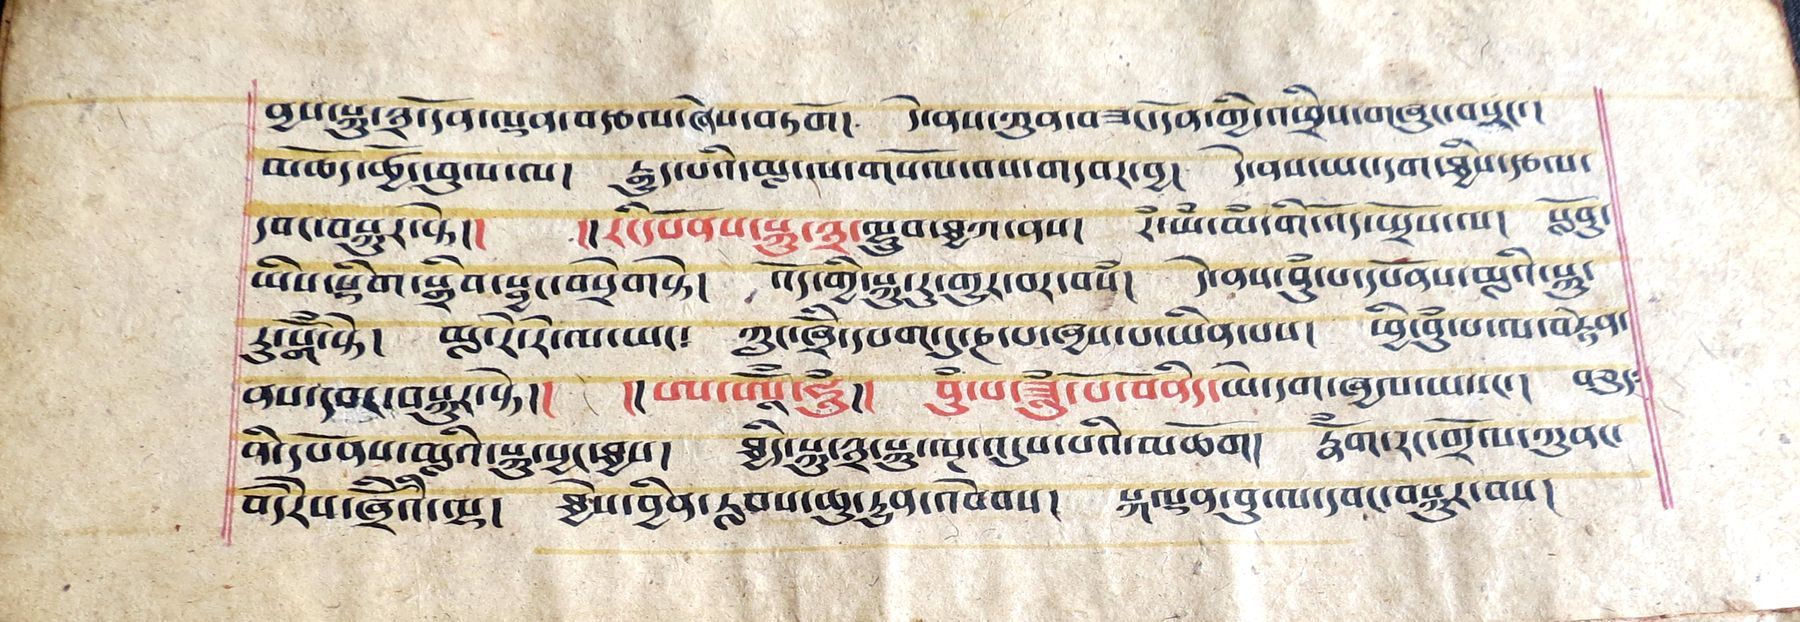གནས་སྐུ་གསུམ་དོན་ལྡན་རྩལ། ། ཞེས་གདགས་སོ། ། དེ་ནས་ཀུན་བཟང་དོན་གྱི་འཕྲིན་ལས་གཞུང་ནི་བསྲང། 
མཆོད་ཚོགས་འབུལ། བརྒྱུད་པའི་བླ་མ་རྣམས་ལ་གསོལ་བ་གདབ་པར་བྱའོ། ། དེ་ནས་ཡང་དག་དོན་གྱི་རྩལ་
དབང་བསྐུར་སྟེ། རང་ཉིད་དཔོན་གསས་སྐུ་གསུམ་ལྷུན་གྲུབ་ཐུགས་ཀ་ནས། རྃ་ཡཾ་མཾ་གི་འོད་འཕྲོས་ནས། སློབ་བུའི་
ཡེ་ཤེས་སྡིག་སྒྲིབ་བསྲེགས་སྦྱངས་ཏེ། འོད་ཀྱི་སྐུ་རུ་གྱུར་བར་བསམ། དེ་ནས་བུམ་པ་དཔོན་གསས་བླ་མའི་སྐུ་
རུ་གྱུར་བར་བྷོམ་སྟེ། བླ་མ་རེ་རེ་ལ་ཀུན་བཟང་ཞི་ཁྲོ་དཔག་ཏུ་མེད་པར་བཞུགས་པ་ཡིན་པས། ཕྱི་བུམ་པ་ལ་བརྟེན་
ནས་དབང་བསྐུར་ཏེ། ། ཨ་ཨཱོྃ་ཧཱུྃ། བུམ་པ་ཟླུམ་པོ་བོན་ཉིད་ཡང་དག་གསས་མཁར་གཞལ་ཡས་ཁང་། ། བཅུད་
ནི་དཔོན་གསས་བླ་མའི་སྐུ་གསུང་ཐུགས། ། ཐུགས་ནི་སྐུ་གསུམ་སྐུ་ལྔ་འདུས་པའི་མཆོག། རྣམ་དག་རང་གྲོལ་ཀུན་
བདེར་གཤེགས་ཞི་ཁྲོའི་ལྷའི་སྐུ། ། ཐུགས་རྗེ་བྱིན་རླབས་ཆུ་རྒྱུན་འབེབ། ། སྐལ་ལྡན་བུ་ལ་དབང་བསྐུར་བས། །